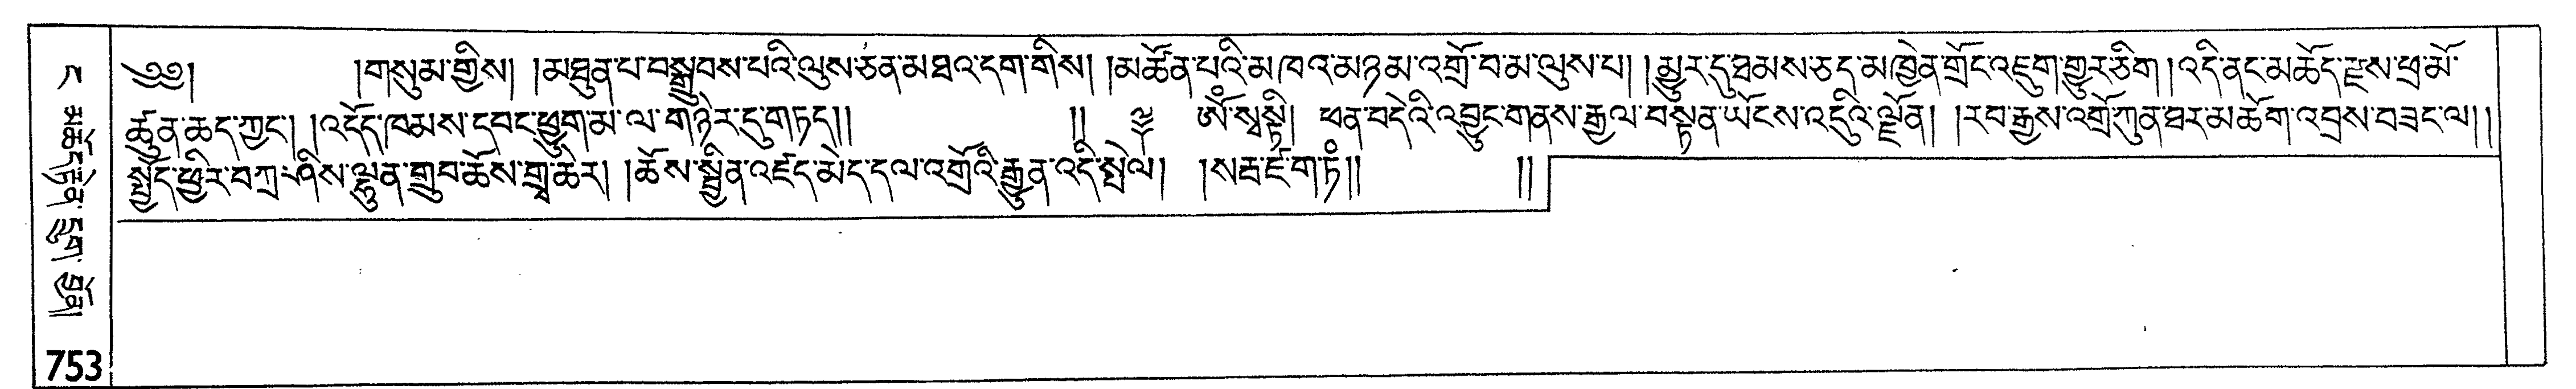༄༅། །གསུམ་གྱིས། །མཐུན་པ་བསྒྲུབས་པའི་ལུས་ཅན་མཐའ་དག་གིས། །མཚོན་པའི་མཁའ་མཉམ་འགྲོ་བ་མ་ལུས་པ། །མྱུར་དུ་ཐམས་ཅད་མཁྱེན་གྲོང་འཇུག་གྱུར་ཅིག །འདི་ནང་མཆོད་རྫས་ཕྲ་མོ་ཚུན་ཆད་ཀྱང་། །འདོད་ཁམས་དབང་ཕྱུག་མ་ལ་གཉེར་དུ་གཏད།། །། ༈ ཨོཾ་སྭསྟི། ཕན་བདེའི་འབྱུང་གནས་རྒྱལ་བསྟན་ཡོངས་འདུའི་ལྗོན། །རབ་རྒྱས་འགྲོ་ཀུན་ཐར་མཆོག་འབྲས་བཟང་ལ། །
སྤྱོད་ཕྱིར་བཀྲ་ཤིས་ལྷུན་གྲུབ་ཆོས་གྲྭ་ཆེར། །ཆོས་སྦྱིན་འཛད་མེད་དལ་འགྲོའི་རྒྱུན་འདི་སྤེལ། །སརྦ་ཛ་ག་ཏཾ།། །།